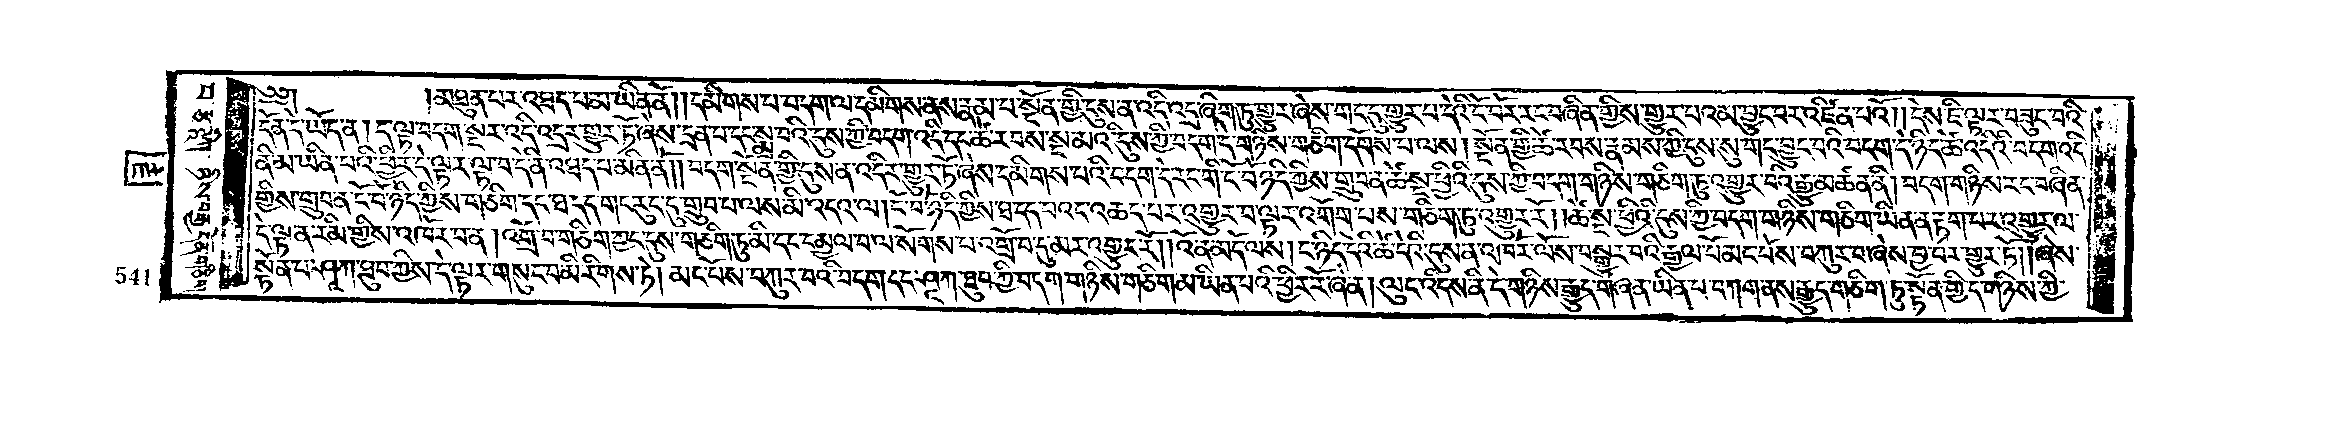༄༅། །མཐུན་པར་འཐད་པ་མ་ཡིན་ནོ། །དམིགས་པ་བདག་ལ་དམིགས་ནས་རྣམ་པ་སྔོན་གྱི་དུས་ན་འདི་འདྲ་ཞིག་ཏུ་གྱུར་ཞེས་གང་དུ་གྱུར་པ་དེའི་ངོ་བོར་རང་བཞིན་གྱིས་གྱུར་པའམ་བྱུང་བར་འཛིན་པའོ། །དེས་ཇི་ལྟར་བཟུང་བའི་
དོན་དེ་ཡོད་ན། ད་ལྟ་བདག་སྔར་འདི་འདྲར་གྱུར་ཏོ་ཞེས་དྲན་པ་དང་སྨྲ་བའི་དུས་ཀྱི་བདག་འདི་དང་ཚེ་རབས་སྔ་མའི་དུས་ཀྱི་བདག་དེ་གཉིས་གཅིག་དགོས་པོ་ལས། སྔོན་གྱི་ཚེ་རབས་རྣམས་ཀྱི་དུས་སུ་གང་བྱུང་བའི་བདག་དེ་ཉིད་ཚེ་འདིའི་བདག་འདི་
ནི་མ་ཡིན་པའི་ཕྱིར་དེ་ལྟར་ལྟ་བ་དེ་ནི་འཐད་པ་མིན་ནོ། །བདག་སྔོན་གྱི་དུས་ན་འདིར་གྱུར་ཏོ་ཞེས་དམིགས་པའི་བདག་དེ་རང་གི་ངོ་བོ་ཉིད་ཀྱིས་གྲུབ་ན་ཚེ་སྔ་ཕྱིའི་དུས་ཀྱི་བདག་གཉིས་གཅིག་ཏུ་འགྱུར་བའི་རྒྱུ་མཚན་ནི། བདག་གཉི་རང་བཞིན་
གྱིས་གྲུབ་ན་ངོ་བོ་ཉིད་ཀྱིས་གཅིག་དང་ཐ་དད་གང་རུང་དུ་གྲུབ་པ་ལས་མི་འདའ་ལ། ངོ་བོ་ཉིད་ཀྱིས་ཐ་དད་པའང་འཆད་པར་འགྱུར་བ་ལྟར་འགོག་པས་གཅིག་ཏུ་འགྱུར་རོ། །ཚེ་སྔ་ཕྱིའི་དུས་ཀྱི་བདག་གཉིས་གཅིག་ཡིན་ན་རྟག་པར་འགྱུར་ལ་
དེ་ལྟ་ན་རིམ་གྱིས་འཁོར་བ་ན། འགྲོ་བ་གཅིག་ཀྱང་དུས་གཅིག་ཏུ་མི་དང་དམྱལ་བ་ལ་སོགས་པ་འགྲོ་བ་དུ་མར་འགྱུར་རོ། །འོ་ན་མདོ་ལས། ང་ཉིད་དེའི་ཚེ་དེའི་དུས་ན་འཁོར་ལོས་བསྒྱུར་པའི་རྒྱལ་པོ་མང་པོས་བཀུར་བ་ཞེས་བྱ་བར་གྱུར་ཏོ། །ཞེས་
སྟོན་པ་ཤཱཀྱ་ཐུབ་ཀྱིས་དེ་ལྟར་གསུང་བ་མི་རིགས་ཏེ། མང་པོས་བཀུར་བའི་བདག་དང་ཤཱཀྱ་ཐུབ་ཀྱི་བདག་གཉིས་གཅིག་མ་ཡིན་པའི་ཕྱིར་རོ་ཞེ་ན། ལུང་འདིས་ནི་དེ་གཉིས་རྒྱུད་གཞན་ཡིན་པ་བཀག་ནས་རྒྱུད་གཅིག་ཏུ་སྟོན་གྱི་དེ་གཉིས་ཀྱི་